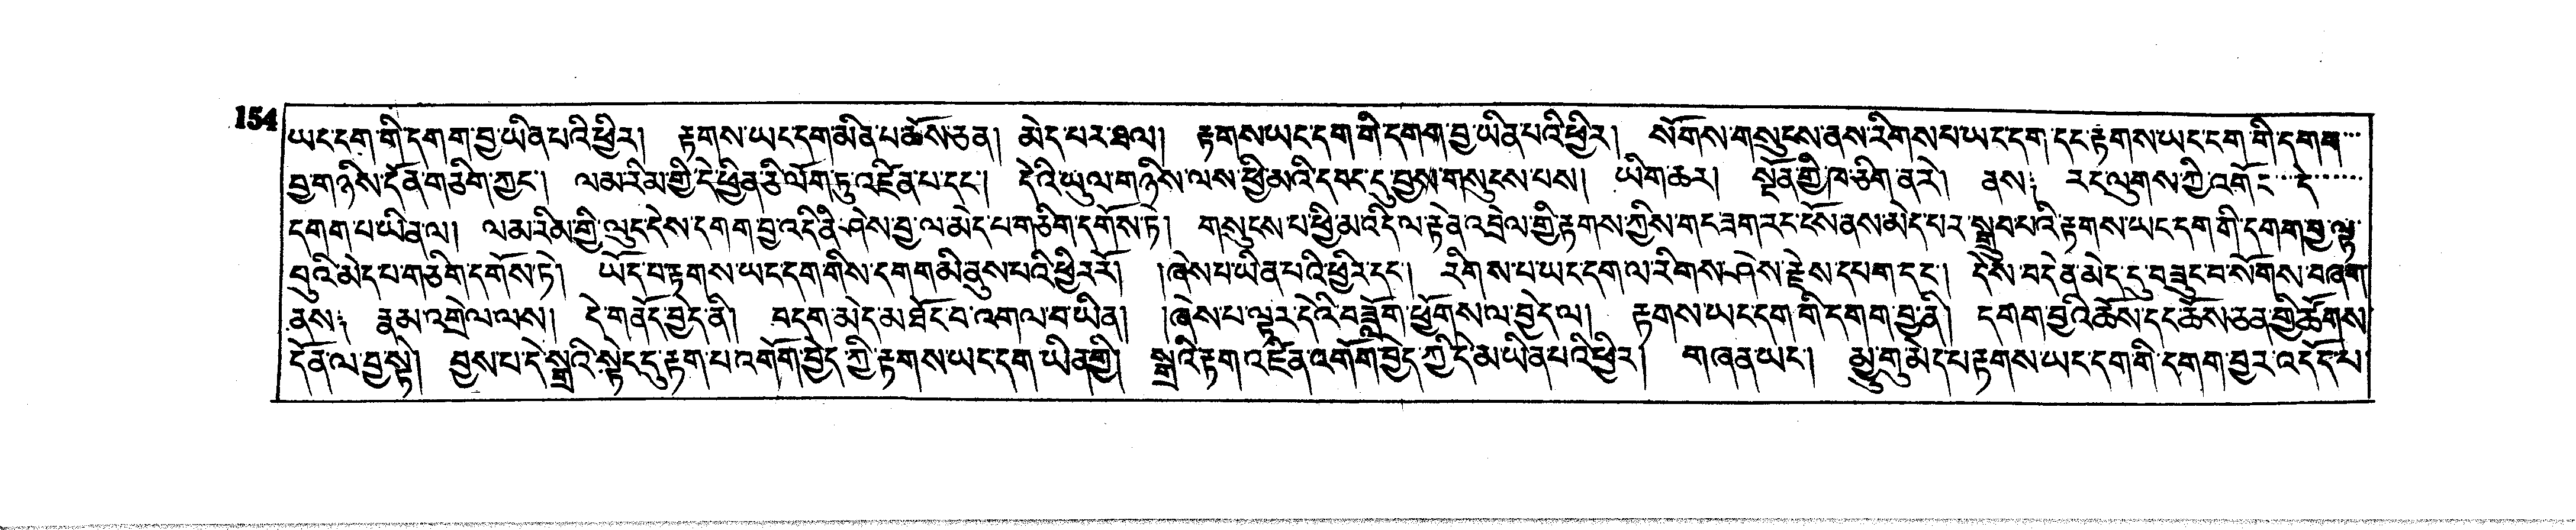ཡང་དག་གི་དགག་བྱ་ཡིན་པའི་ཕྱིར། རྟགས་ཡང་དག་མིན་པ་ཆོས་ཅན། མེད་པར་ཐལ། རྟགས་ཡང་དག་གི་དགག་བྱ་ཡིན་པའི་ཕྱིར། སོགས་གསུངས་ནས་རིགས་པ་ཡང་དག་དང་རྟགས་ཡང་དག་གི་དགག་
བྱ་གཉིས་དོན་གཅིག་ཀྱང་། ལམ་རིམ་གྱི་དེ་ཕྱིན་ཅི་ལོག་ཏུ་འཛིན་པ་དང་། དེའི་ཡུལ་གཉིས་ལས་ཕྱི་མའི་དབང་དུ་བྱས་གསུངས་པས། ཡིག་ཆར། སྔོན་གྱི་ཁ་ཅིག་ན་རེ། ནས། རང་ལུགས་ཀྱི་འགོང་དེ་
དགག་པ་ཡིན་ལ། ལམ་རིམ་གྱི་ལུང་དེས་དགག་བྱ་འདི་ནི་ཤེས་བྱ་ལ་མེད་པ་གཅིག་དགོས་ཏེ། གསུངས་པ་ཕྱི་མ་འདི་ལ་རྟེན་འབྲེལ་གྱི་རྟགས་ཀྱིས་གང་ཟག་རང་ངོས་ནས་མེད་པར་སྒྲུབ་པའི་རྟགས་ཡང་དག་གི་དགག་བྱ་ལྟ་
བུའི་མེད་པ་གཅིག་དགོས་ཏེ། ཡོད་པ་རྟགས་ཡང་དག་གིས་དགག་མི་ནུས་པའི་ཕྱིར་རོ། །ཞེས་པ་ཡིན་པའི་ཕྱིར་དང་། རིགས་པ་ཡང་དག་ལ་རིགས་ཤེས་རྗེས་དཔག་དང་། དེས་བདེན་མེད་དུ་བཟུང་བ་སོགས་བཞག་
ནས། རྣམ་འགྲེལ་ལས། དེ་གནོད་བྱེད་ནི། བདག་མེད་མཐོང་བ་འགལ་བ་ཡིན། །ཞེས་པ་ལྟར་དེའི་བཟློག་ཕྱོགས་ལ་བྱེད་ལ། རྟགས་ཡང་དག་གི་དགག་བྱ་ནི། དགག་བྱའི་ཆོས་དང་ཆོས་ཅན་གྱི་ཚོགས་
དོན་ལ་བྱ་སྟེ། བྱས་པ་དེ་སྒྲའི་སྟེང་དུ་རྟག་པ་འགོག་བྱེད་ཀྱི་རྟགས་ཡང་དག་ཡིན་གྱི། སྒྲའི་རྟག་འཛིན་འགོག་བྱེད་ཀྱི་དེ་མ་ཡིན་པའི་ཕྱིར། གཞན་ཡང་། མྱུ་གུ་མེད་པ་རྟགས་ཡང་དག་གི་དགག་བྱར་འདོད་པ་